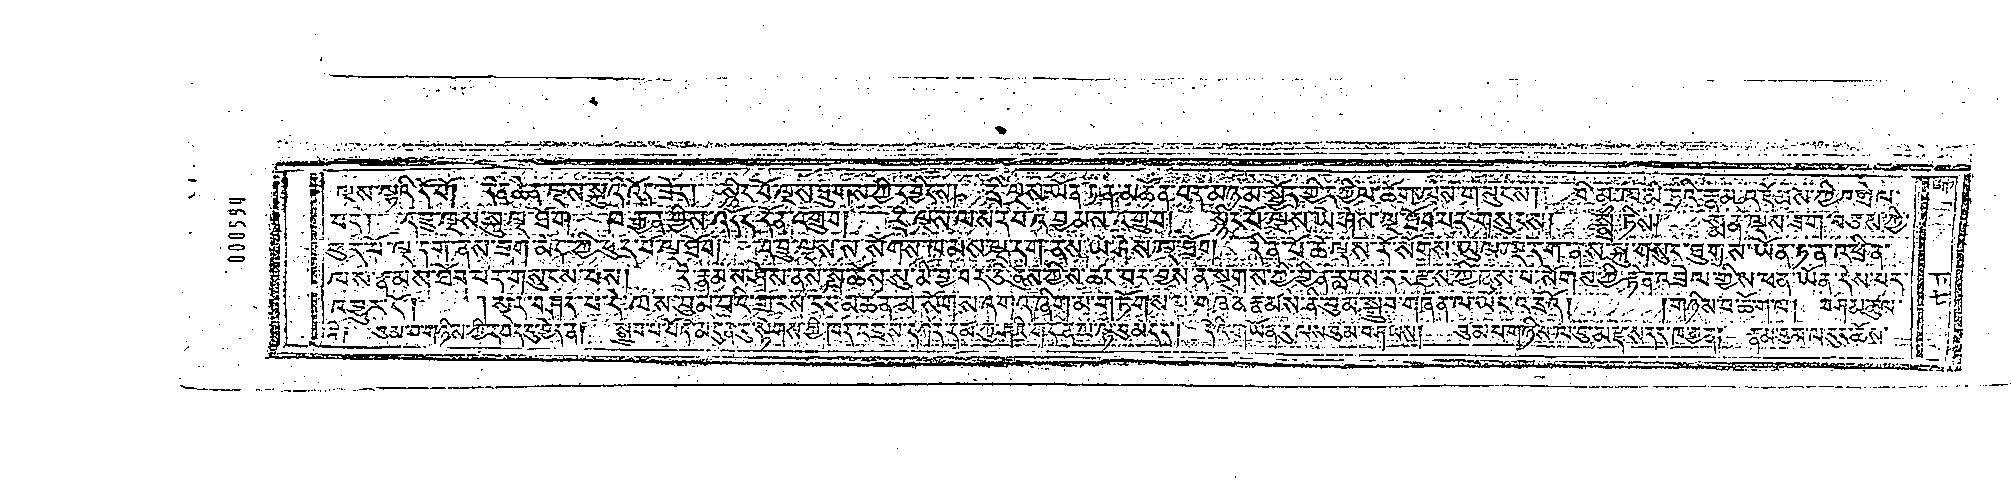ལྔས་ལྷའི་ངོ་བོ། རིན་ཆེན་ལྔས་སྐུའི་འོད་ཟེར། སྙིང་པོ་ལྔས་ཐུགས་ཀྱི་དབྱིངས། དྲི་ལྔས་ཡོན་ཏན་མཚོན་པར་མཉམ་སྦྱོར་གྱི་དཀྱིལ་ཆོག་ལས་གསུངས། བིམ་ལ་མི་ཏྲའི་རྣམ་འཇོམས་ཀྱི་འགྲེལ་
པར། འབྲུ་ལྔས་སྐུ་ལྔ་ཐོབ། ཁ་རྒྱན་གྱིས་འདོད་དོན་འགྲུབ། དྲི་ལྔས་ལས་རབ་འབྱམས་འགྲུབ། སྙིང་པོ་ལྔས་ཡེ་ཤེས་ལྔ་ཐོབ་པར་གསུངས། སྨྲྀ་ཏིས། སྨན་ལྔས་ཟག་བཅས་ཀྱི་
ཕུང་པོ་ལྔ་དག་ནས་བྲག་མེད་ཀྱི་ཕུང་པོ་ལྔ་ཐོབ། འབྲུ་ལྔས་ས་སོགས་ཁམས་ལྔ་དག་ནས་ཡེ་ཤེས་ལྔ་ཐོབ། རིན་པོ་ཆེ་ལྔས་རོ་སོགས་ཡུལ་ལྔ་དག་ནས་སྐུ་གསུང་ཐུགས་ཡོན་ཏན་འཕྲིན་
ལས་རྣམས་ཐོབ་པར་གསུངས་པས། དེ་རྣམས་ཤེས་ནས་སླ་ཆོས་སུ་མི་བྱ་བར་ཅི་ནུས་ཀྱིས་ཚང་བར་བྱས་ན་སྔགས་ཀྱི་བྱིན་རླབས་དང་རྫས་ཀྱི་ཞུས་པ་སོགས་ཀྱི་རྟེན་འབྲེལ་གྱིས་ཕན་ཡོན་དེས་པར་
འབྱུང་ངོ། །སྔར་བཤད་པ་དེ་ལས་བུམ་པའི་གྲངས་དང་མཚན་མ་སོགས་འགའ་ཞིག་མ་གཏོགས་པ་གཞན་རྣམས་ནི་བུམ་སྒྲུབ་གཞན་ལ་ཡང་འདྲའོ། །གཉིས་བ་ཆོ་ག་ལ། བཤམ་ཚུལ་
ནི། བུམ་བ་གཉིས་ཀྱི་དབང་དུ་བྱེད་ན། སྒྲུབ་པ་པོའི་མདུན་དུ་སྟེགས་ཀྱི་ཁར་འབྲས་དཀར་རམ་ཀུ་ཤའི་གང་ན་ལ་ལྟ་བུ་མ་དང་། དེའི་གཡོན་དུ་ལས་བུམ་བཤམས། བུམ་པ་གཉིས་ལ་བུམ་རྫས་དང་ཁ་རྒྱན། རྣམ་བུམ་ལ་དུང་ཆོས་